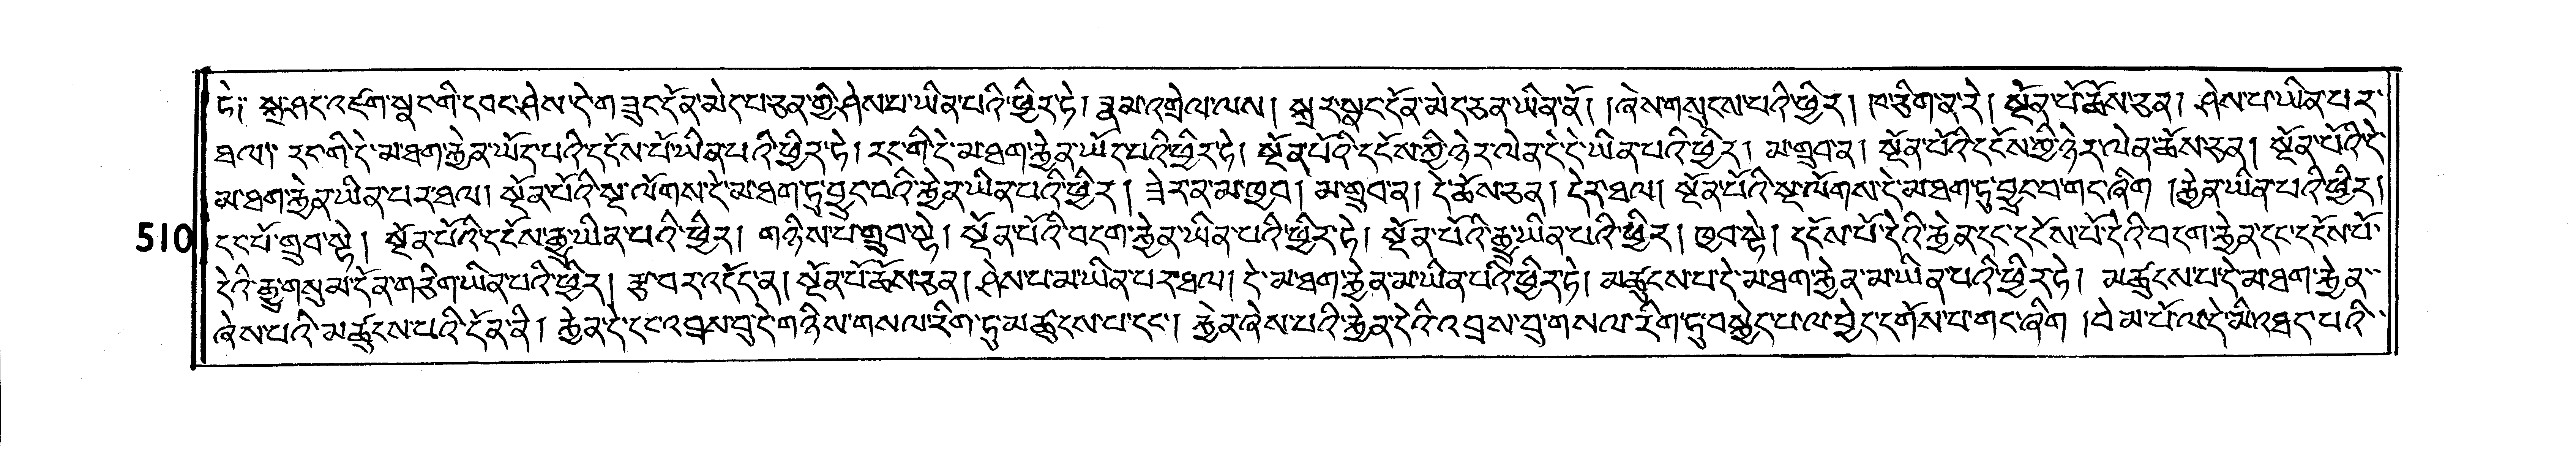ཏེ༑ སྐྲ་ཤད་འཛག་སྣང་གི་དབང་ཤེས་དེ་གཟུང་དོན་མེད་པ་ཅན་གྱི་ཤེས་པ་ཡིན་པའི་ཕྱིར་ཏེ། རྣམ་འགྲེལ་ལས། སྐྲར་སྣང་དོན་མེད་ཅན་ཡིན་ནོ། །ཞེས་གསུངས་པའི་ཕྱིར། ཁ་ཅིག་ན་རེ། སྔོན་པོ་ཆོས་ཅན། ཤེས་པ་ཡིན་པར་
ཐལ༑ རང་གི་དེ་མ་ཐག་རྐྱེན་ཡོད་པའི་དངོས་པོ་ཡིན་པའི་ཕྱིར་ཏེ། རང་གི་དེ་མ་ཐག་རྐྱེན་ཡོད་པའི་ཕྱིར་ཏེ། སྔོན་པོའི་དངོས་ཀྱི་ཉེར་ལེན་དེ་དེ་ཡིན་པའི་ཕྱིར། མ་གྲུབ་ན། སྔོན་པོའི་དངོས་ཀྱི་ཉེར་ལེན་ཆོས་ཅན། སྔོན་པོའི་དེ་
མ་ཐག་རྐྱེན་ཡིན་པར་ཐལ། སྔོན་པོའི་སྔ་ལོགས་དེ་མ་ཐག་ཏུ་བྱུང་བའི་རྐྱེན་ཡིན་པའི་ཕྱིར། ཟེར་ན་མ་ཁྱབ། མ་གྲུབ་ན། དེ་ཆོས་ཅན། དེར་ཐལ། སྔོན་པའི་སྔ་ལོགས་དེ་མ་ཐག་ཏུ་བྱུང་བ་གང་ཞིག །རྐྱེན་ཡིན་པའི་ཕྱིར།
དང་པོ་གྲུབ་སྟེ། སྔོན་པོའི་དངོས་རྒྱུ་ཡིན་པའི་ཕྱིར། གཉིས་པ་གྲུབ་སྟེ། སྔོན་པོའི་བདག་རྐྱེན་ཡིན་པའི་ཕྱིར་ཏེ། སྔོན་པོའི་རྒྱུ་ཡིན་པའི་ཕྱིར། ཁྱབ་སྟེ། དངོས་པོ་དེའི་རྐྱེན་དང་དངོས་པོ་དེའི་བདག་རྐྱེན་དང་དངོས་པོ་
དེའི་རྒྱུ་གསུམ་དོན་གཅིག་ཡིན་པའི་ཕྱིར། རྩ་བར་འདོད་ན། སྔོན་པོ་ཆོས་ཅན། ཤེས་པ་མ་ཡིན་པར་ཐལ། དེ་མ་ཐག་རྐྱེན་མ་ཡིན་པའི་ཕྱིར་ཏེ། མཚུངས་པ་དེ་མ་ཐག་རྐྱེན་མ་ཡིན་པའི་ཕྱིར་ཏེ། མཚུངས་པ་དེ་མ་ཐག་རྐྱེན་
ཞེས་པའི་མཚུངས་པའི་དོན་ནི། རྐྱེན་དེ་དང་འབྲས་བུ་དེ་གཉིས་གསལ་རིག་ཏུ་མཚུངས་པ་དང་། རྐྱེན་ཞེས་པའི་རྐྱེན་དེའི་འབྲས་བུ་གསལ་རིག་ཏུ་བསྐྱེད་པ་ལ་བྱེད་དགོས་པ་གང་ཞིག །བེམ་པོ་ལ་དེ་མི་འཐད་པའི་